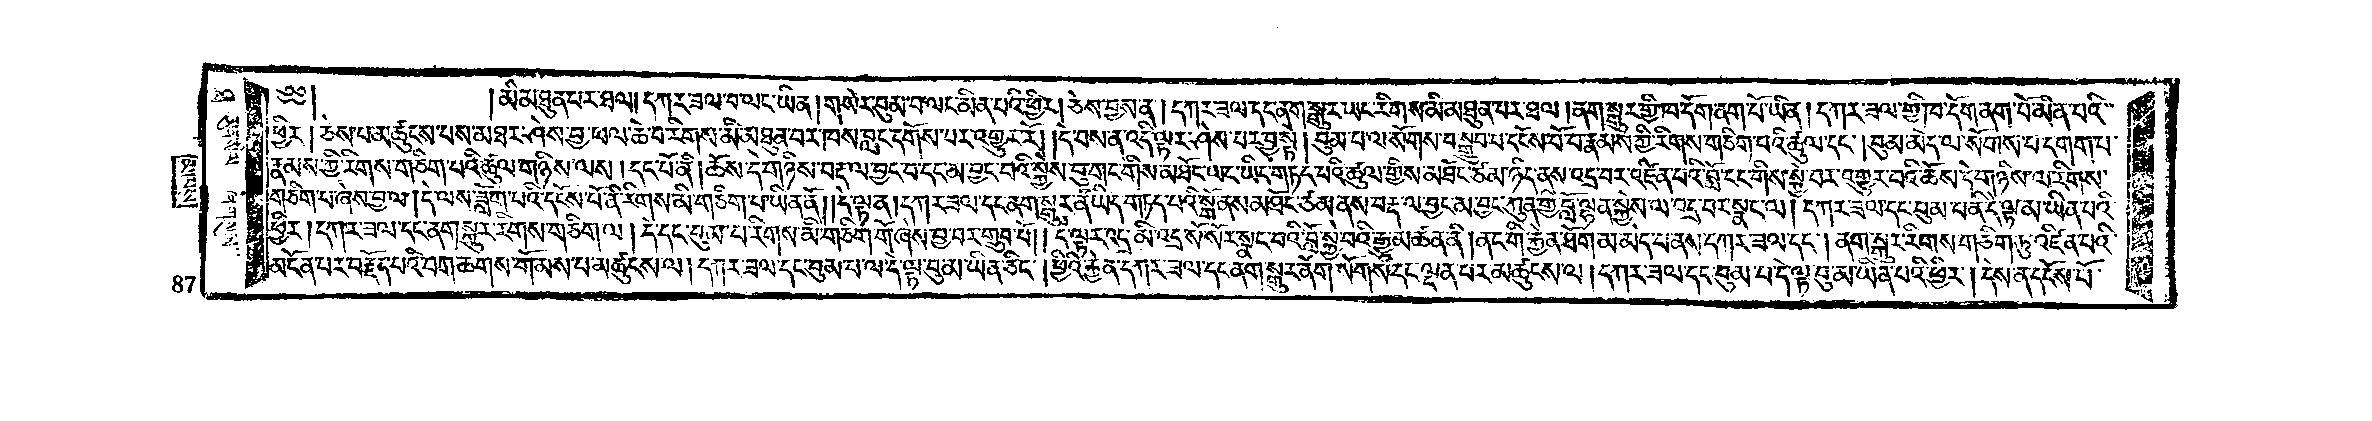༄༅། །མི་མཐུན་པར་ཐལ། དཀར་ཟལ་བ་ལང་ཡིན། གསེར་བུམ་བ་ལང་མིན་པའི་ཕྱིར། ཅེས་བྱས་ན། དཀར་ཟལ་དང་ནག་སྒུར་ཡང་རིགས་མི་མཐུན་པར་ཐལ་།ནག་སྒུར་གྱི་ཁ་དོག་ནག་པོ་ཡིན། དཀར་ཟལ་གྱི་ཁ་དོག་ནག་པོ་མིན་པའི་
ཕྱིར། ཅེས་པ་མཚུངས་པས་མཐར་ཤེས་བྱ་ཕལ་ཆེ་བ་རིགས་མི་མཐུན་པར་ཁས་བླང་དགོས་པར་འགྱུར་རོ། །དེ་བས་ན་འདི་ལྟར་ཤེས་པར་བྱ་སྟེ། བུམ་པ་ལ་སོགས་པ་སྒྲུབ་པ་དངོས་པོ་བ་རྣམས་ཀྱི་རིགས་གཅིག་པའི་ཚུལ་དང་། བུམ་མེད་ལ་སོགས་པ་དགག་པ་
རྣམས་ཀྱི་རིགས་གཅིག་པའི་ཚུལ་གཉིས་ལས། དང་པོ་ནི། ཆོས་དེ་གཉིས་བརྡ་ལ་བྱང་བ་དང་མ་བྱང་བའི་སྐྱེས་བུ་གང་གིས་མཐོང་ཡང་ཡིད་གཏད་པའི་ཚུལ་གྱིས་མཐོང་ཙམ་ཉིད་ནས་འདྲ་བར་འཛིན་པའི་བློ་ངང་གིས་སྐྱེ་བར་འགྱུར་བའི་ཆོས་དེ་གཉིས་ལ་རིགས་
གཅིག་པ་ཞེས་བྱ་ལ། དེ་ལས་ཟློག་པའི་དངོས་པོ་ནི་རིགས་མི་གཅིག་པ་ཡིན་ནོ། །དེ་ལྟ་ན། དཀར་ཟལ་དང་ནག་སྒུར་ནི་ཡིད་གཏད་པའི་སྒོ་ནས་མཐོང་ཙམ་ནས་བརྡ་ལ་བྱང་མ་བྱང་ཀུན་གྱི་བློ་ལྷན་སྐྱེས་ལ་འདྲ་བར་སྣང་ལ། དཀར་ཟལ་དང་བུམ་པ་ནི་དེ་ལྟ་མ་ཡིན་པའི་
ཕྱིར། དཀར་ཟལ་དང་ནག་སྐུར་རིགས་གཅིག་ལ། དེ་དང་བུམ་པ་རིགས་མི་གཅིག་གོ་ཞེས་བྱ་བར་གྲུབ་བོ། །དེ་ལྟར་འདྲ་མི་འདྲ་སོ་སོར་སྣང་བའི་བློ་སྐྱེ་བའི་རྒྱུ་མཚན་ནི། ནང་གི་རྐྱེན་ཐོག་མ་མེད་པ་ནས་དཀར་ཟལ་དང་། ནག་སྐུར་རིགས་གཅིག་ཏུ་འཛིན་པའི་
མངོན་པར་བརྗོད་པའི་བག་ཆགས་གོམས་པ་མཚུངས་ལ། དཀར་ཟལ་དང་བུམ་པ་ལ་དེ་ལྟ་བུ་མ་ཡིན་ཅིང་། ཕྱིའི་རྐྱེན་དཀར་ཟལ་དང་ནག་སྒུར་ནག་སོགས་དང་ལྡན་པར་མཚུངས་ལ། དཀར་ཟལ་དང་བུམ་པ་དེ་ལྟ་བུ་མ་ཡིན་པའི་ཕྱིར། དེས་ན་དངོས་པོ་